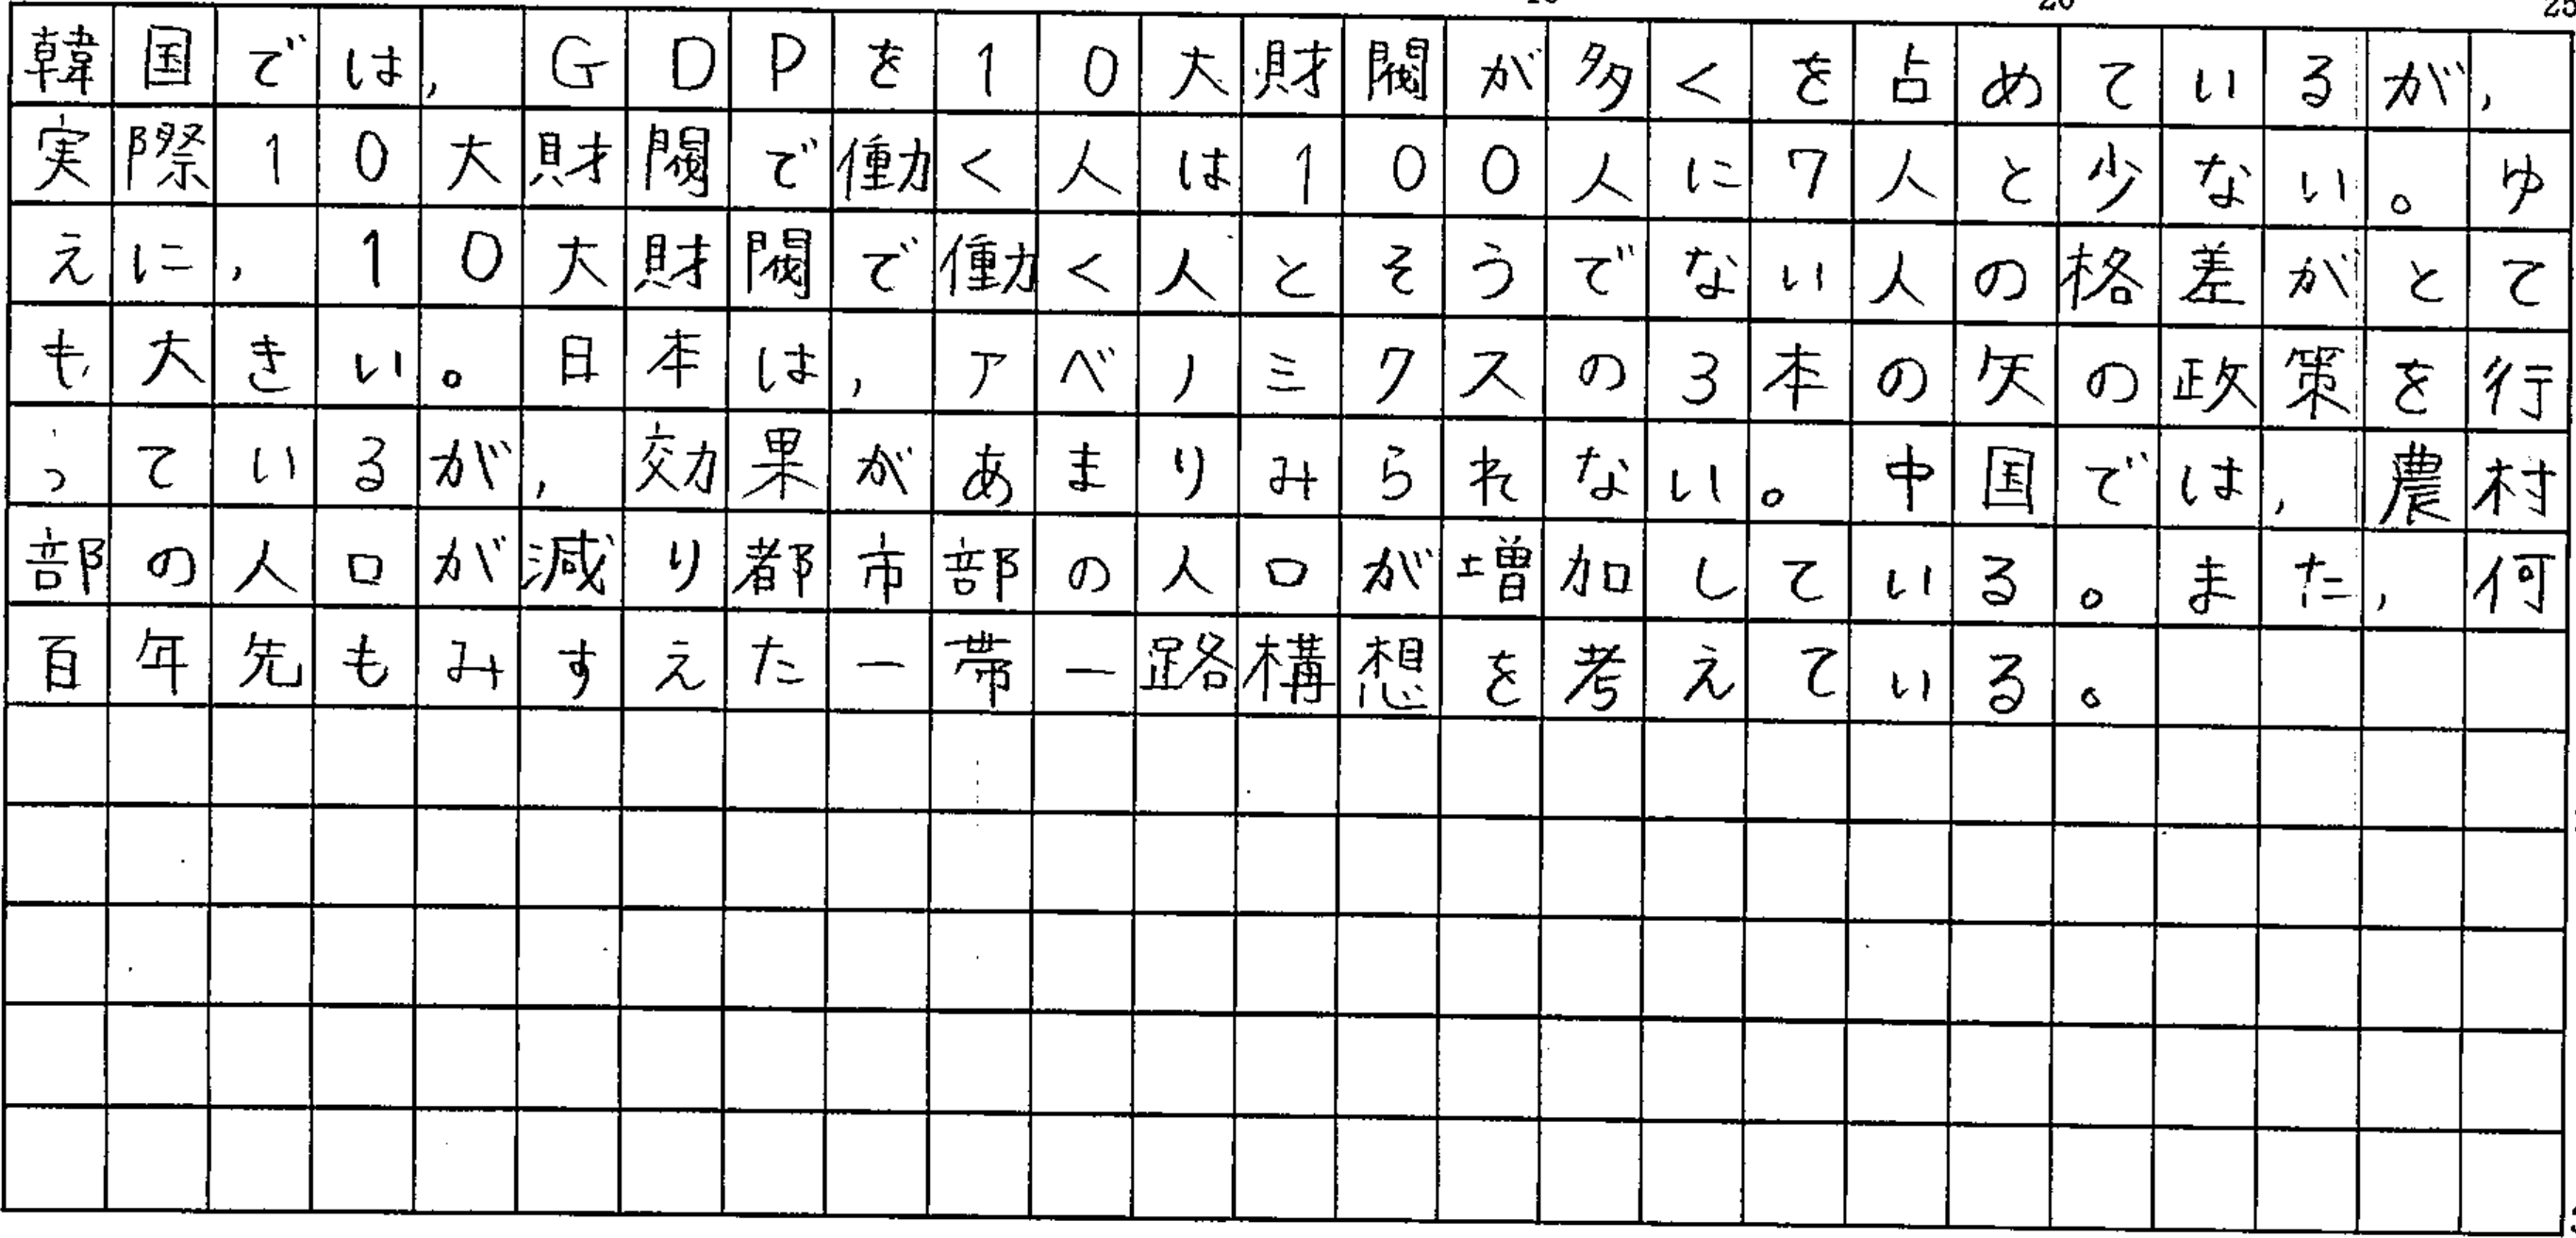韓国では，ＧＤＰを１０大財閥が多くを占めているが，実際１０大財閥で働く人は１００人に７人と少ない。ゆえに，１０大財閥で働く人とそうでない人の格差がとても大きい。日本は，アベノミクスの３本の矢の政策を行っているが，効果があまりみられない。中国では，農村部の人口が減り都市部の人口が増加している。また，何百年先もみすえた一帯一路構想を考えている。
